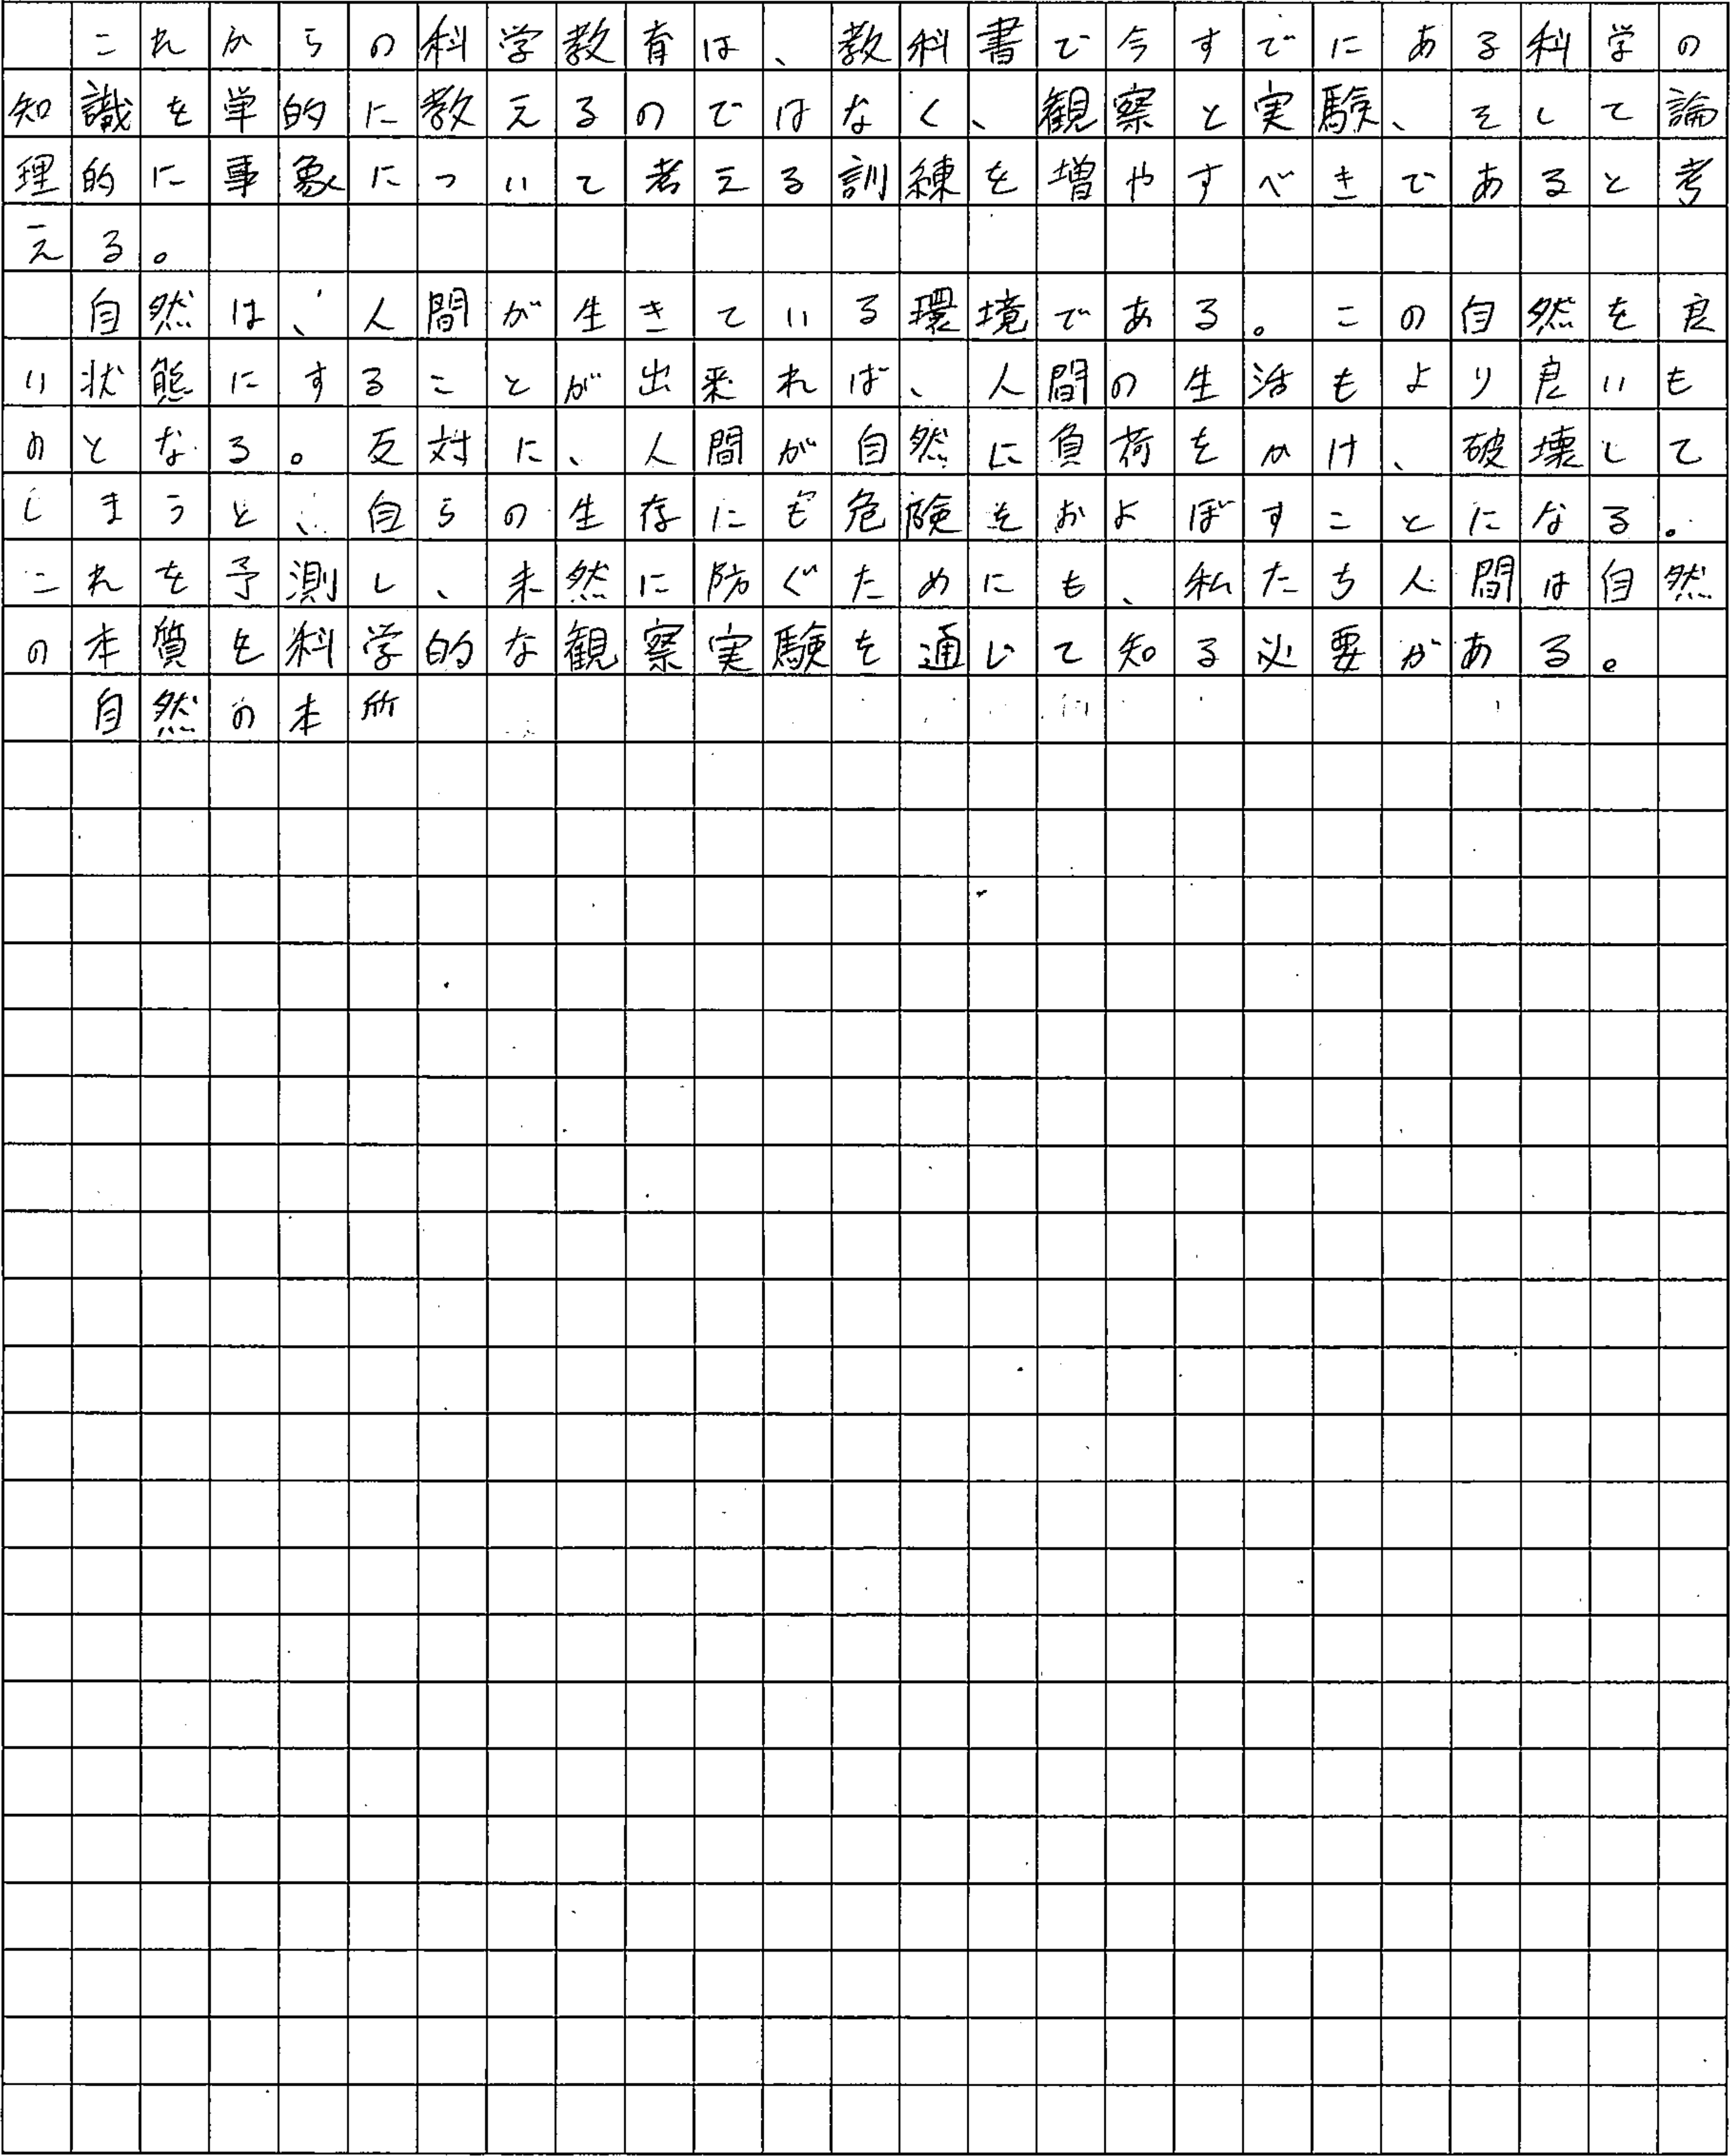　これからの科学教育は、教科書で今すでにある科学の知識を単的に教えるのではなく、観察と実験、そして論理的に事象について考える訓練を増やすべきであると考える。
　自然は、人間が生きている環境である。この自然を良い状態にすることが出来れば、人間の生活もより良いものとなる。反対に、人間が自然に負荷をかけ、破壊してしまうと、自らの生存にも危険をおよぼすことになる。これを予測し、未然に防ぐためにも、私たち人間は自然の本質を科学的な観察実験を通じて知る必要がある。
　自然の本▁
